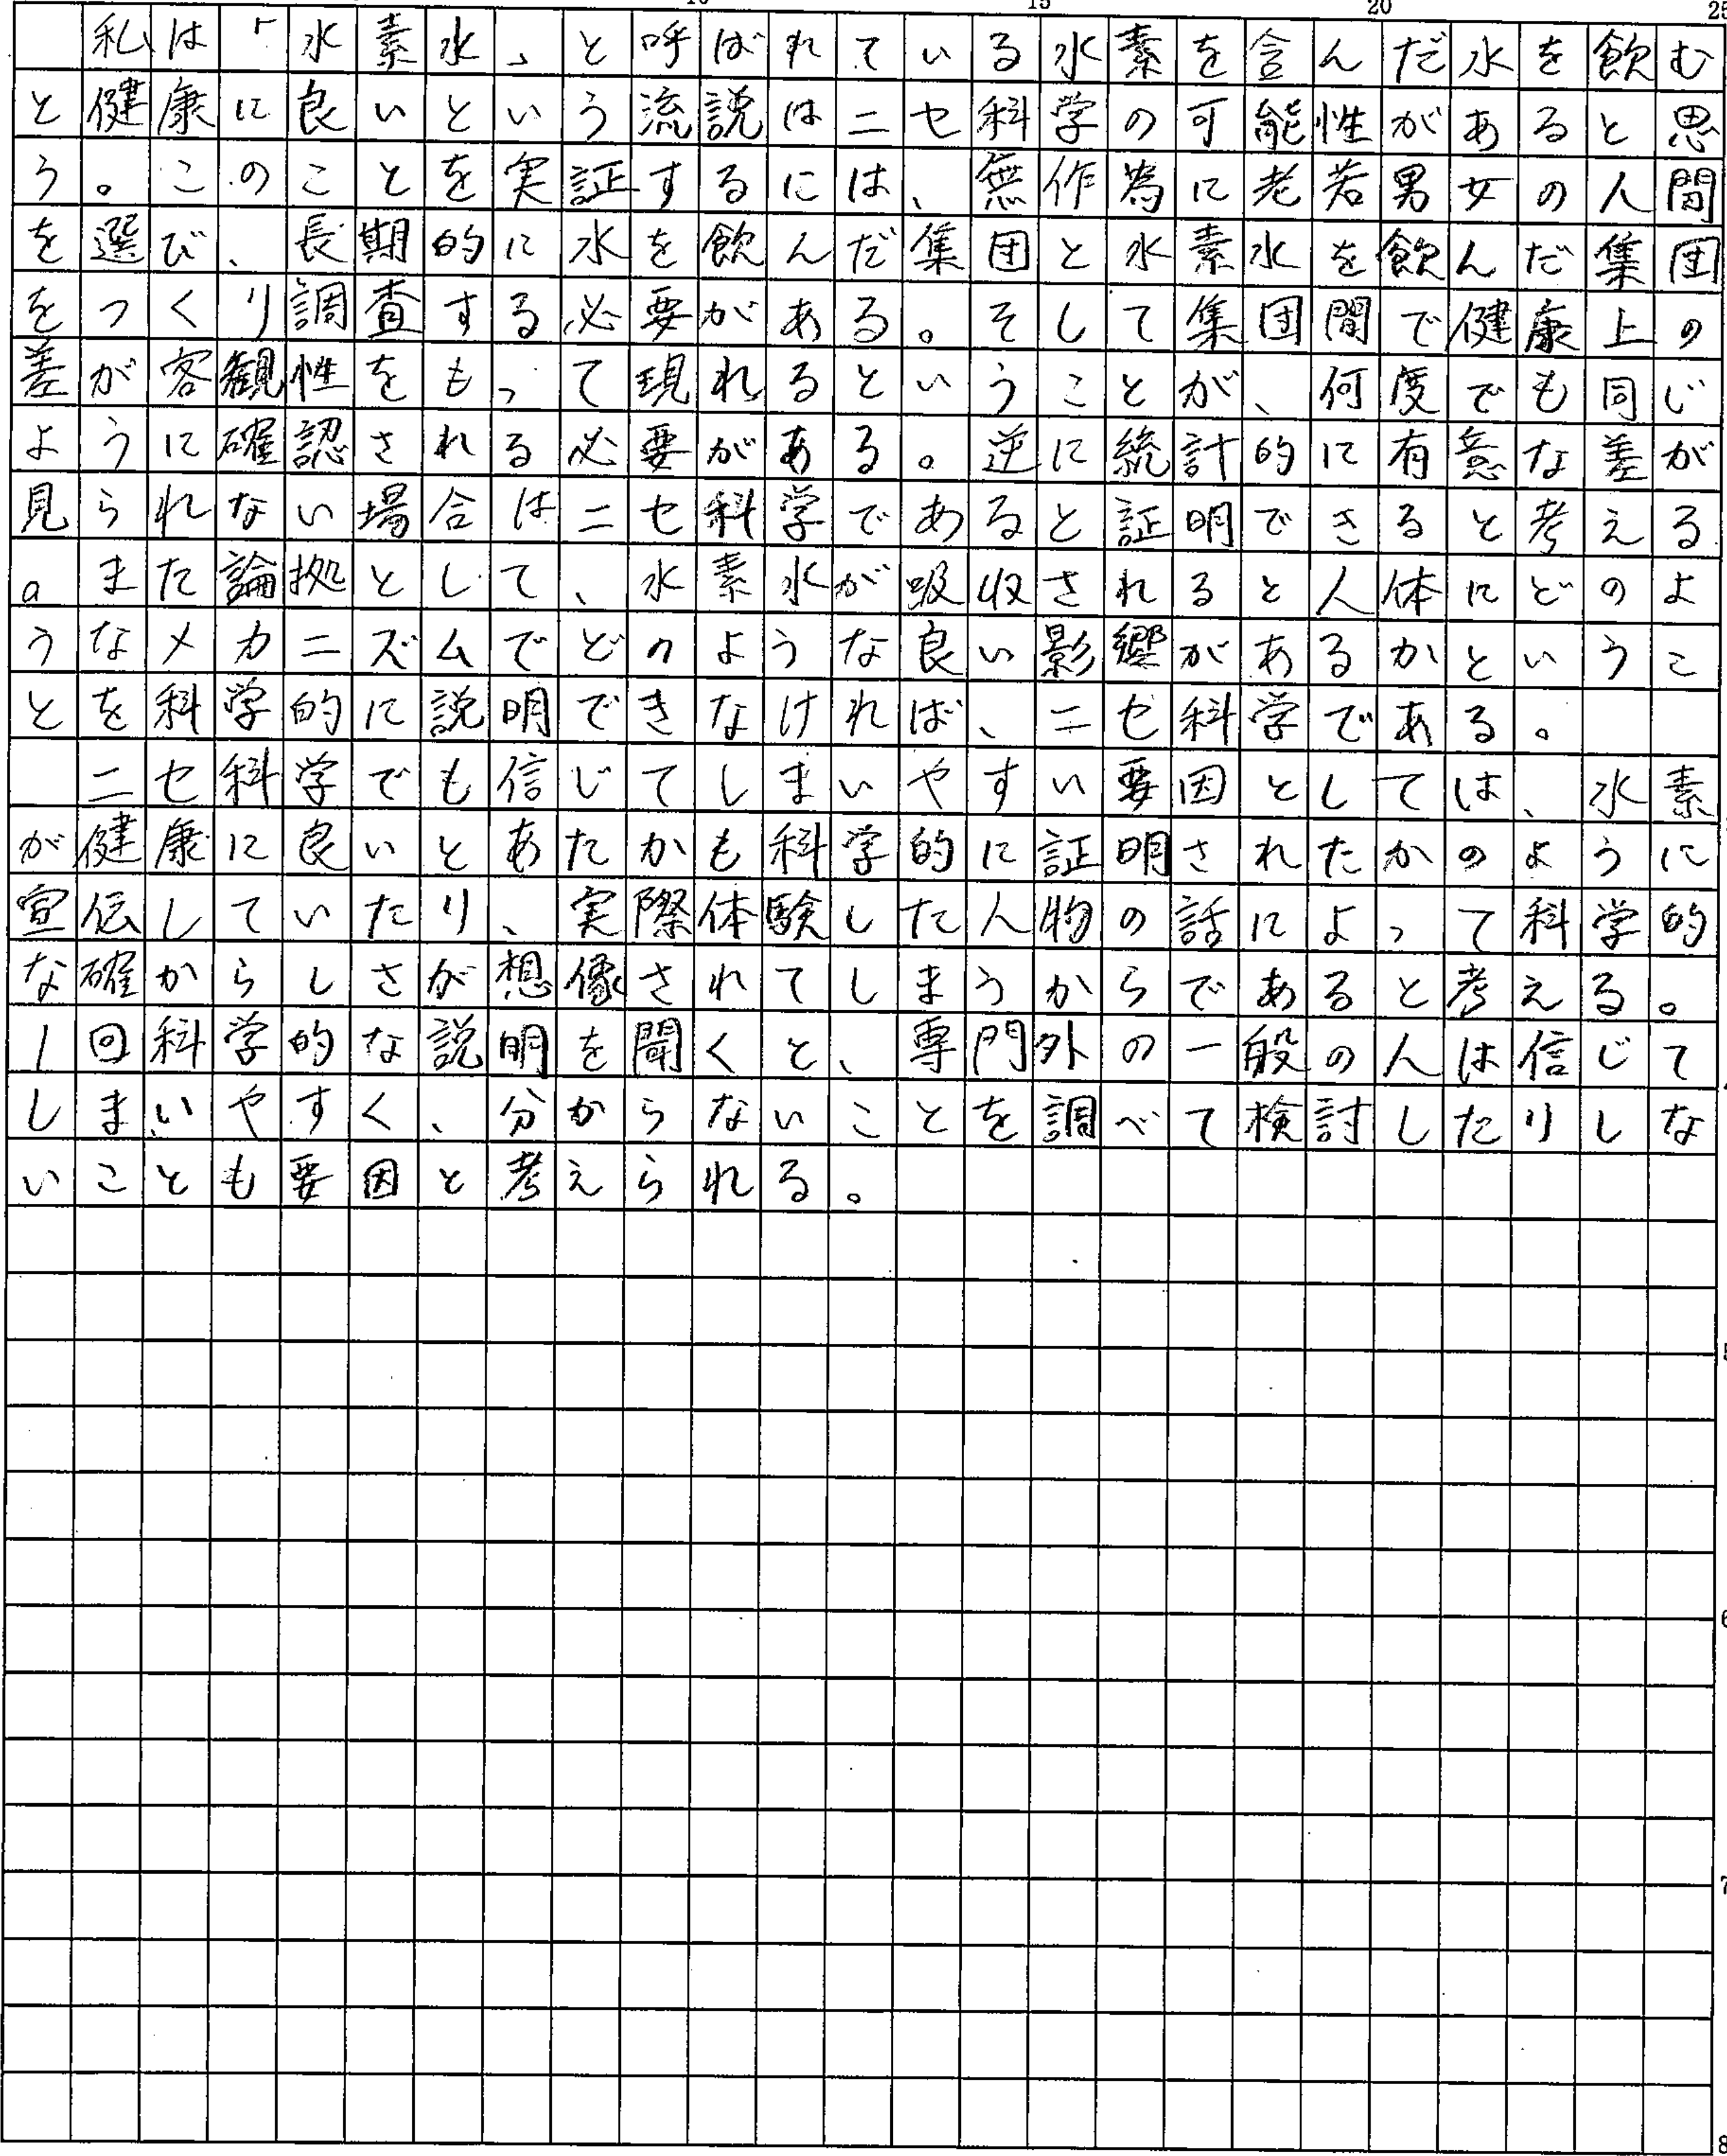　私は「水素水」と呼ばれている水素を含んだ水を飲むと健康に良いという流説はニセ科学の可能性があると思う。このことを実証するには、無作為に老若男女の人間を選び、長期的に水を飲んだ集団と水素水を飲んだ集団をつくり調査する必要がある。そして集団間で健康上の差が客観性をもって現れるということが、何度でも同じように確認される必要がある。逆に統計的に有意な差が見られない場合はニセ科学であると証明できると考える。また論拠として、水素水が吸収されると人体にどのようなメカニズムでどのような良い影響があるかということを科学的に説明できなければ、ニセ科学である。
　ニセ科学でも信じてしまいやすい要因としては、水素が健康に良いとあたかも科学的に証明されたかのように宣伝していたり、実際体験した人物の話によって科学的な確からしさが想像されてしまうからであると考える。１回科学的な説明を聞くと、専門外の一般の人は信じてしまいやすく、分からないことを調べて検討したりしないことも要因と考えられる。
